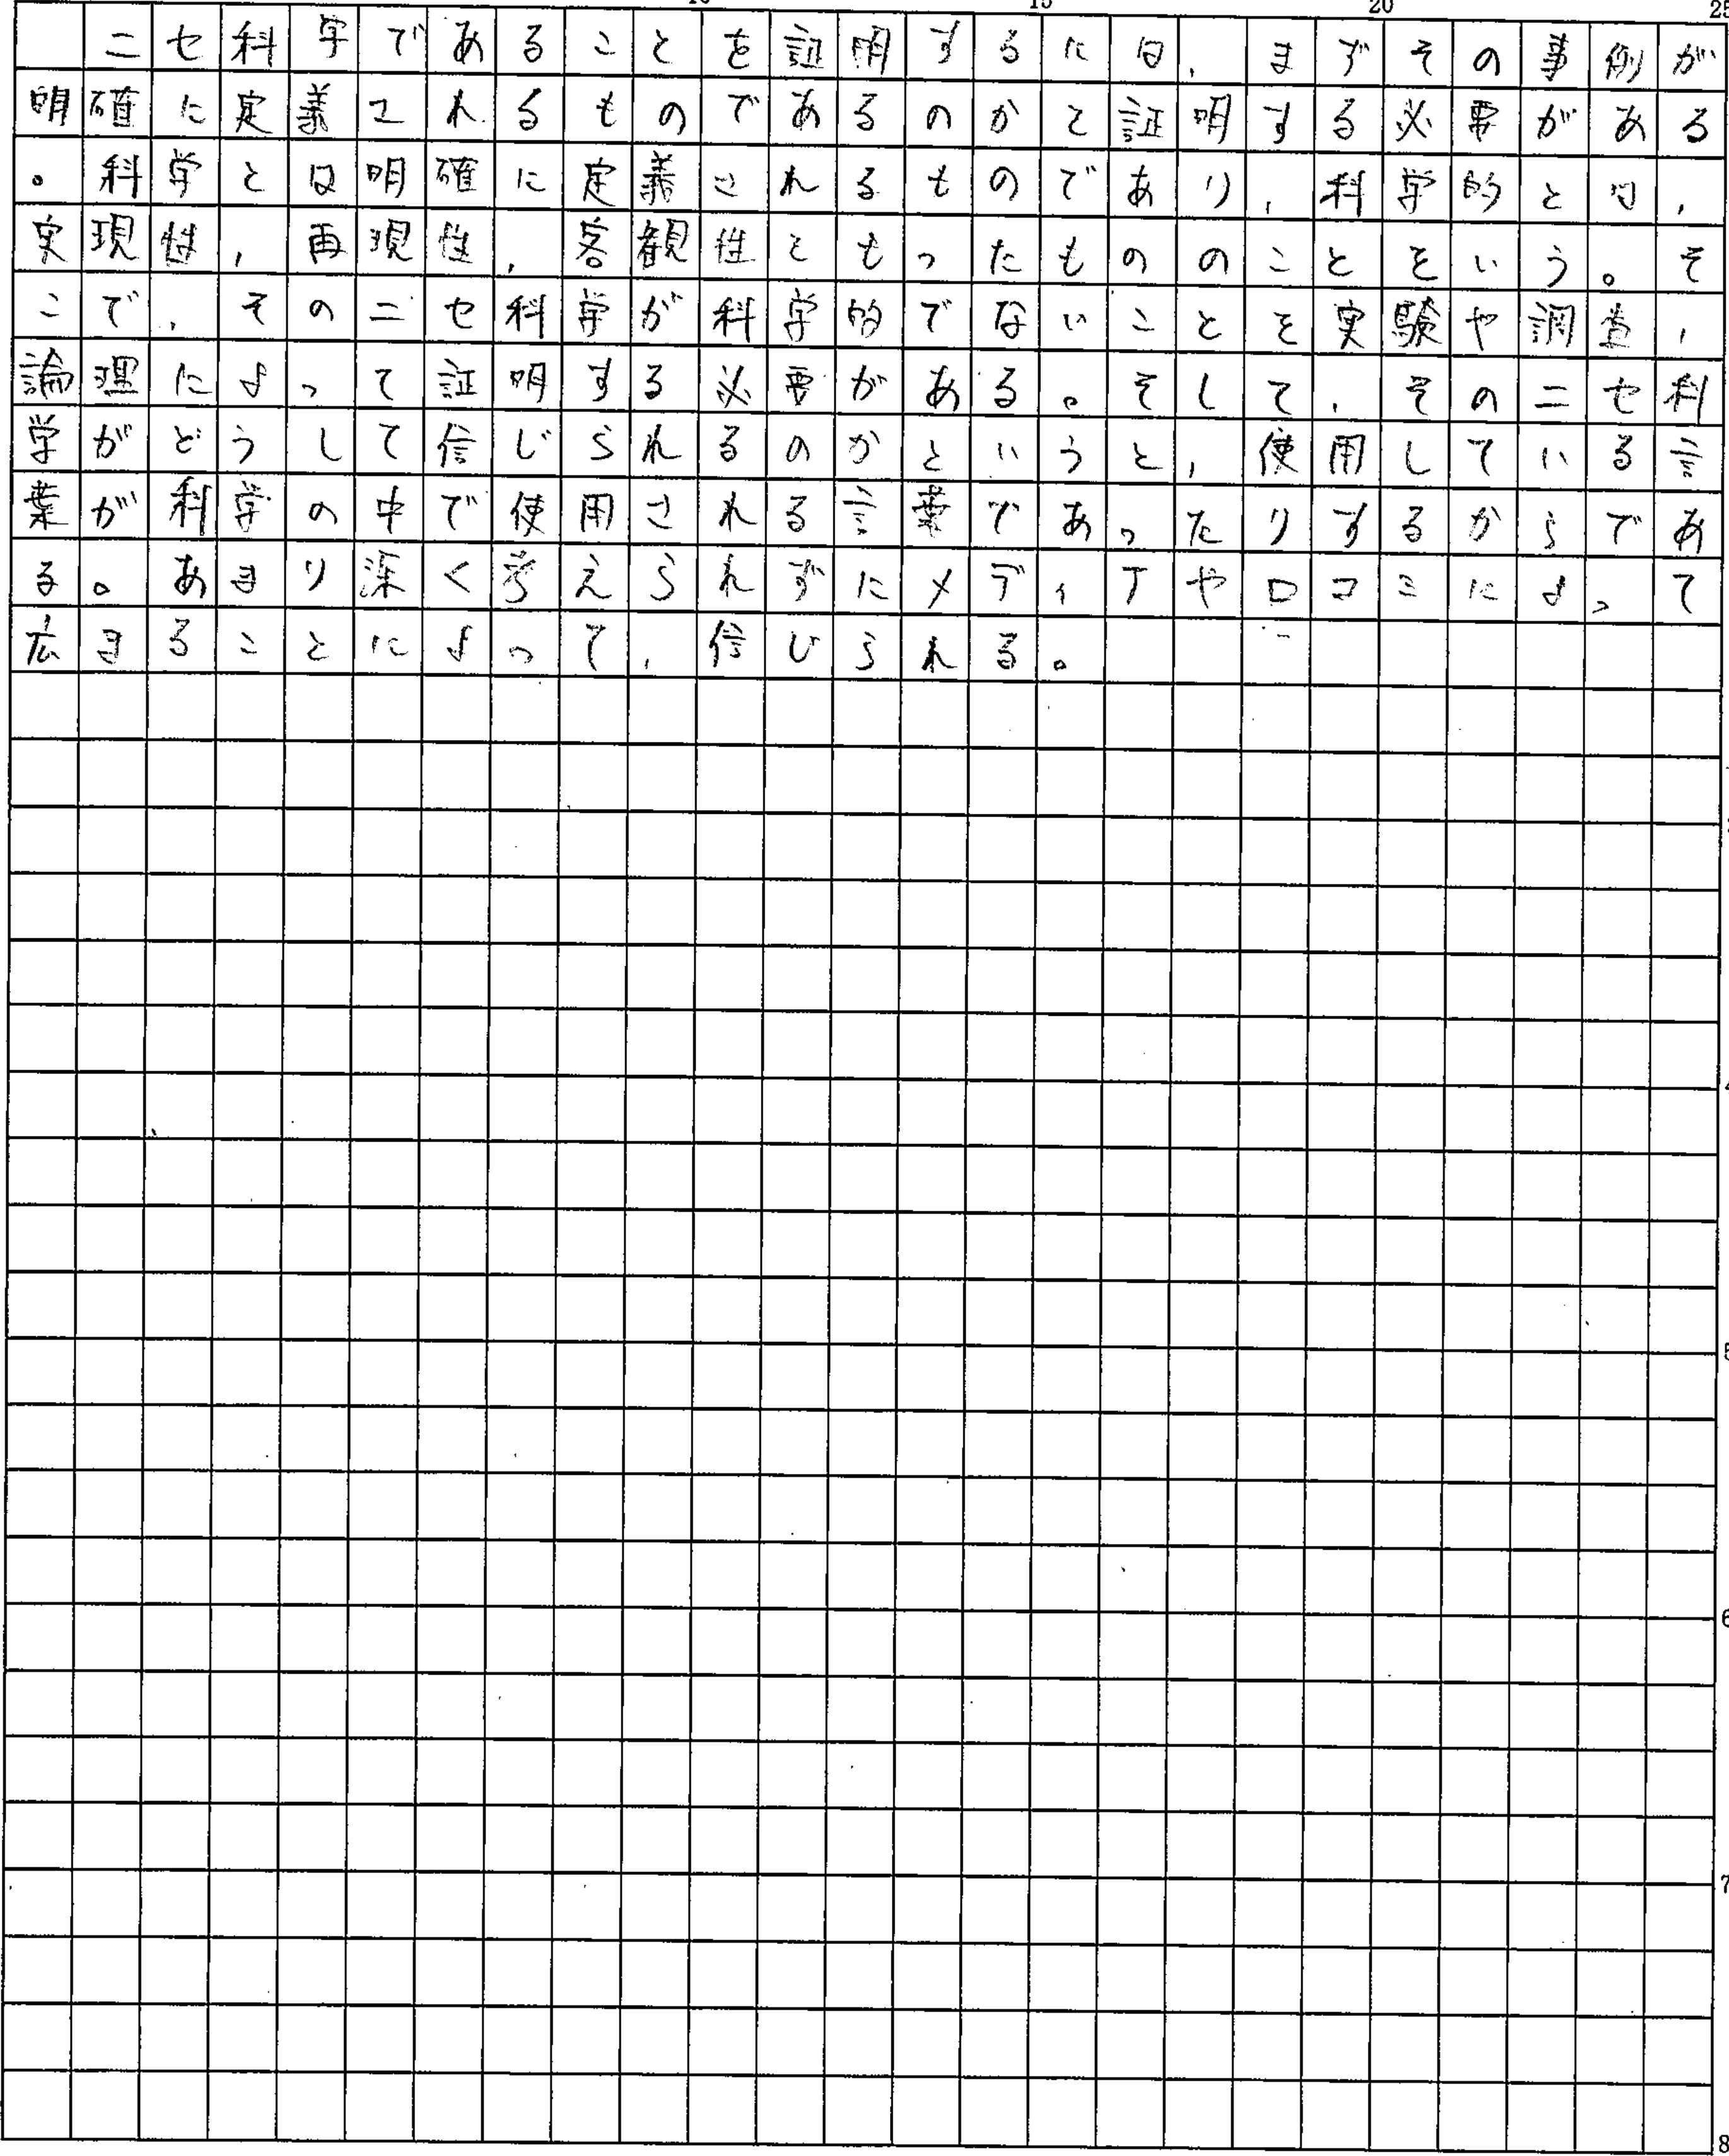　ニセ科学であることを証明するには、まずその事例が明確に定義されるものであるのかを証明する必要がある。科学とは明確に定義されるものであり、科学的とは、実現性、再現性、客観性をもったもののことをいう。そこで、そのニセ科学が科学的でないことを実験や調査・論理によって証明する必要がある。そして、そのニセ科学がどうして信じられるのかというと、使用している言葉が科学の中で使用される言葉であったりするからである。あまり深く考えられずにメディアや口コミによって広まることによって、信じられる。
